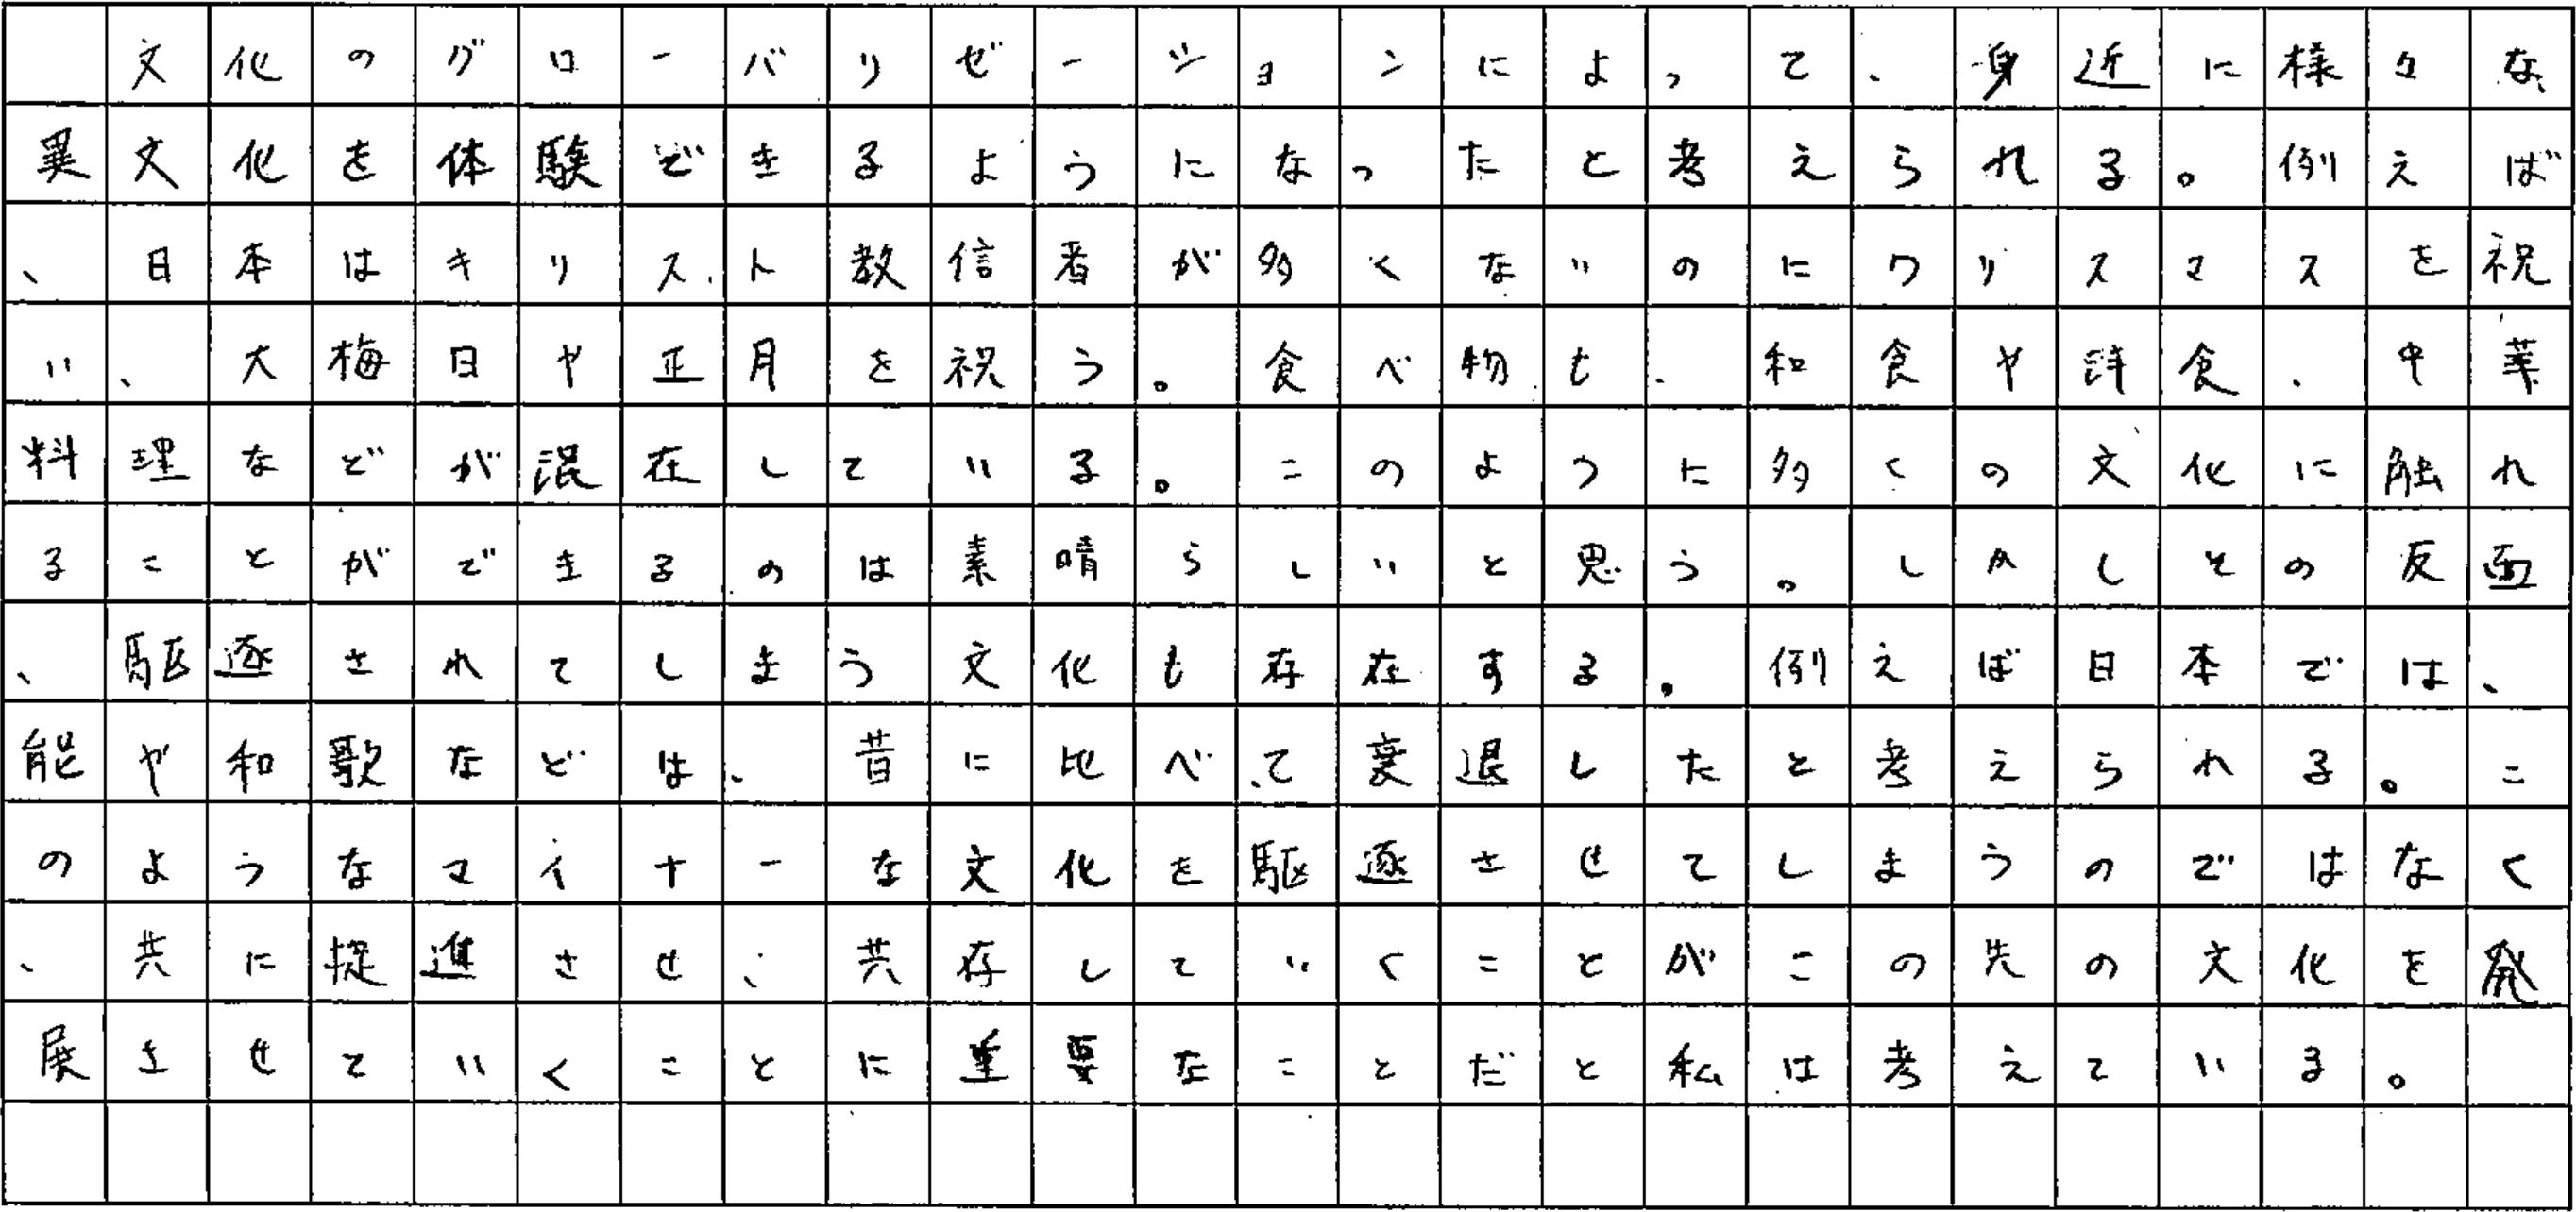　文化のグローバリゼーションによって、身近に様々な異文化を体験できるようになったと考えられる。例えば、日本はキリスト教信者が多くないのにクリスマスを祝い、大梅日や正月を祝う。食べ物も、和食や洋食、中華料理などが混在している。このように多くの文化に触れることができるのは素晴らしいと思う。しかしその反面、駆逐されてしまう文化も存在する。例えば日本では、能や和歌などは、昔に比べて衰退したと考えられる。このようなマイナーな文化を駆逐させてしまうのではなく、共に捉進させ、共存していくことがこの先の文化を発展させていくことに重要なことだと私は考えている。
